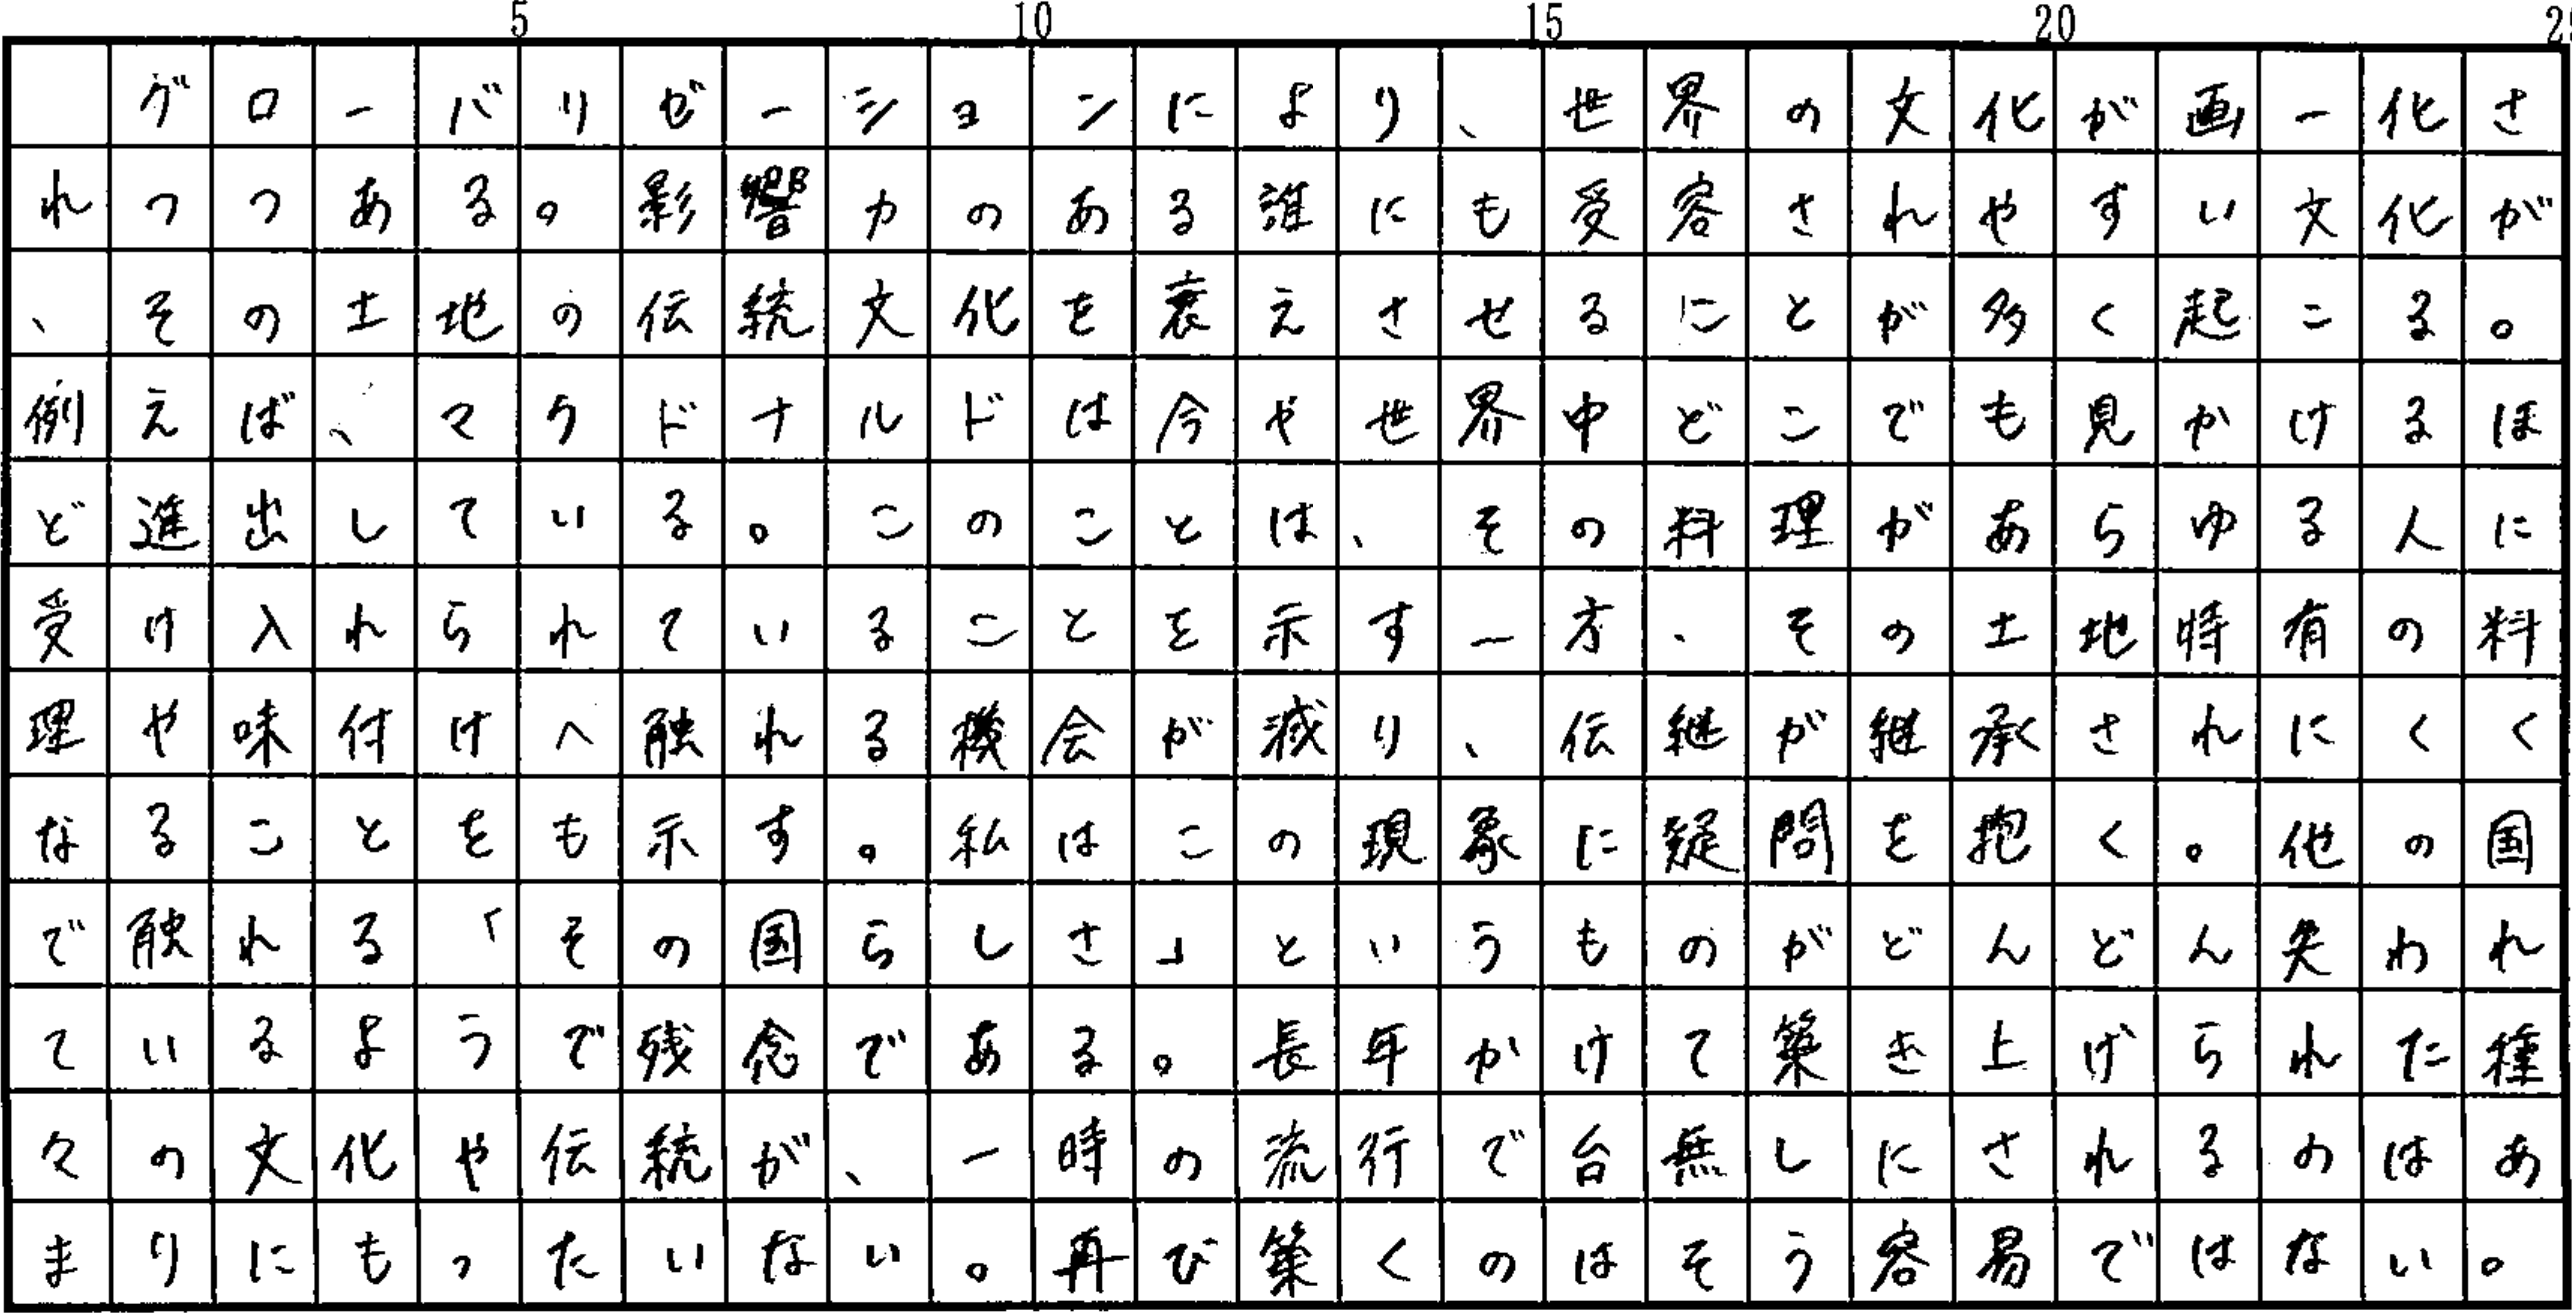　グローバリゼーションにより、世界の文化が画一化されつつある。影響力のある誰にも受容されやすい文化が、その土地の伝統文化を衰えさせることが多く起こる。例えば、マクドナルドは今や世界中どこでも見かけるほど進出している。このことは、その料理があらゆる人に受け入れられていることを示す一方、その土地特有の料理や味付けへ触れる機会が減り、伝継が継承されにくくなることをも示す。私はこの現象に疑問を抱く。他の国で触れる「その国らしさ」というものがどんどん失われているようで残念である。長年かけて築き上げられた種々の文化や伝統が、一時の流行で台無しにされるのはあまりにもったいない。再び築くのはそう容易ではない。
